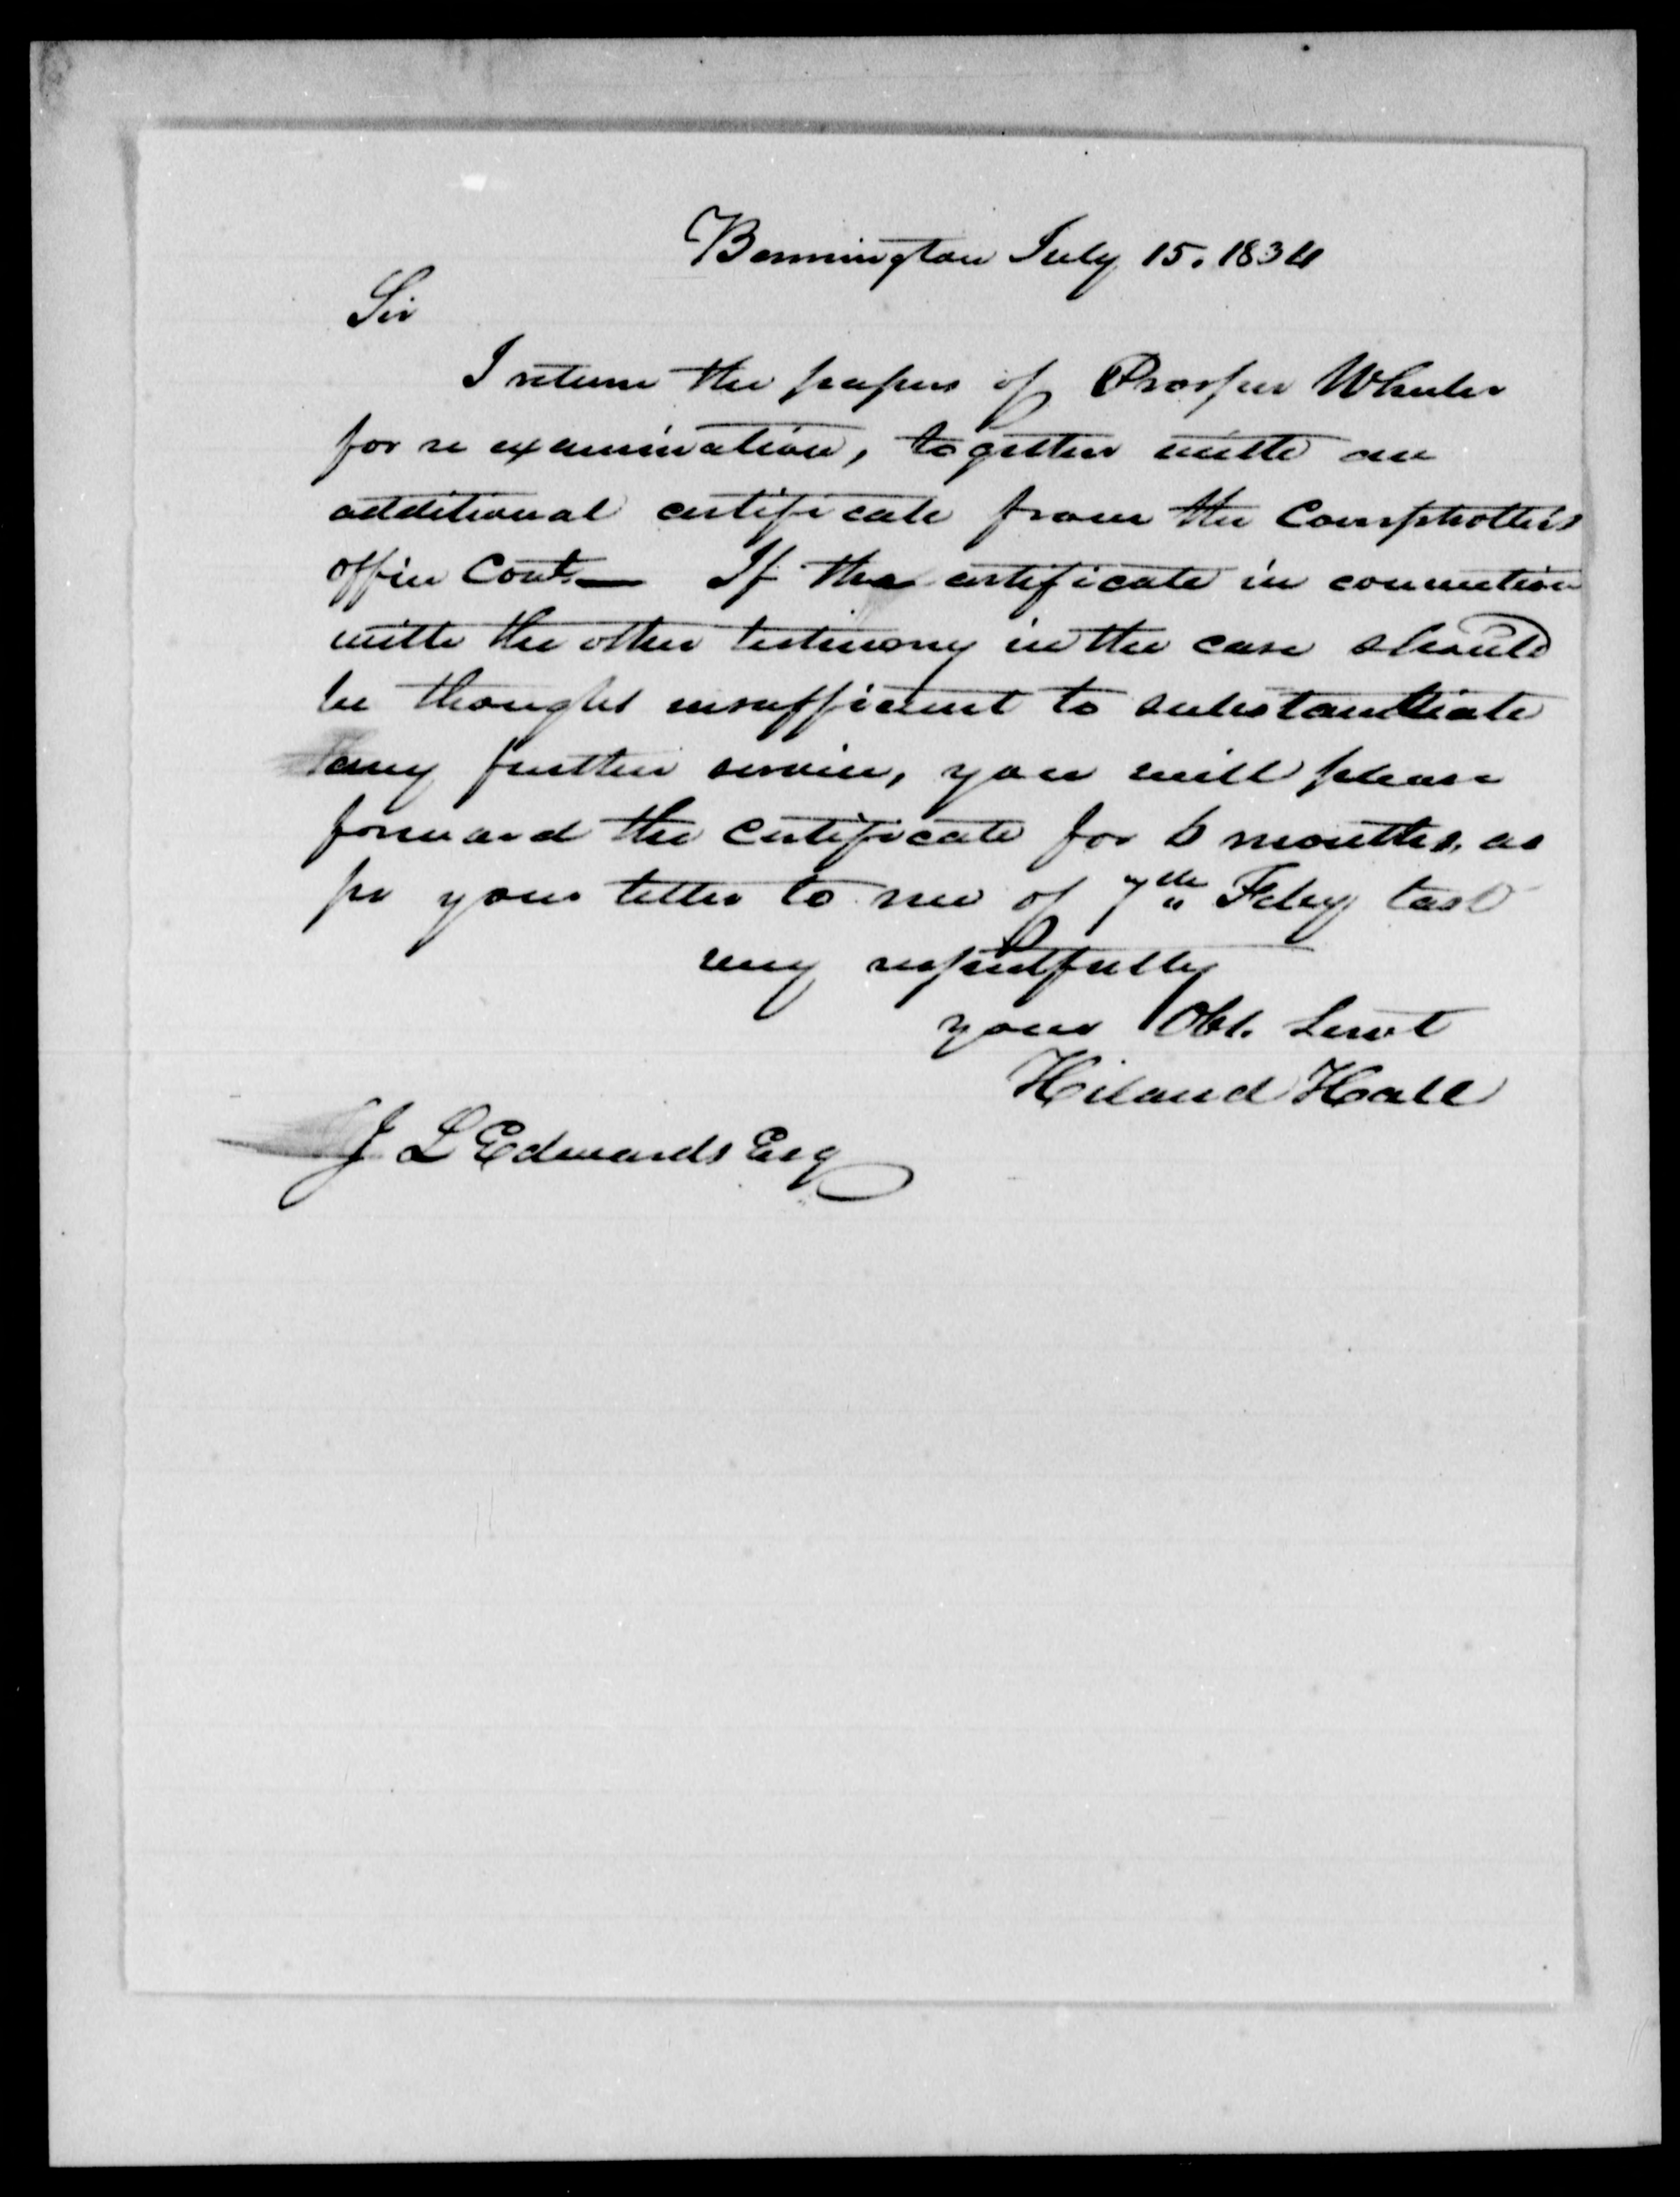Bennington July 15, 1834
Sir
I return the papers of Prosper Wheeler for reexamination, together with an additional certificate from the Comptroller office Cout.- If the certificate in connection with the other testimony in the case should be thought insufficient to substantiate any further service, you will please forward the certificate for 6 months, as per your letter to me of 7th Feby last
very respectfully
your Obt Servt
[signature] Hiland Hall

J L Edwards Esq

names: J L Edwards, Prosper Wheeler, Hiland Hall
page: 27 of 29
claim: widow's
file: W. 22604, Prosper Wheeler, Conn.